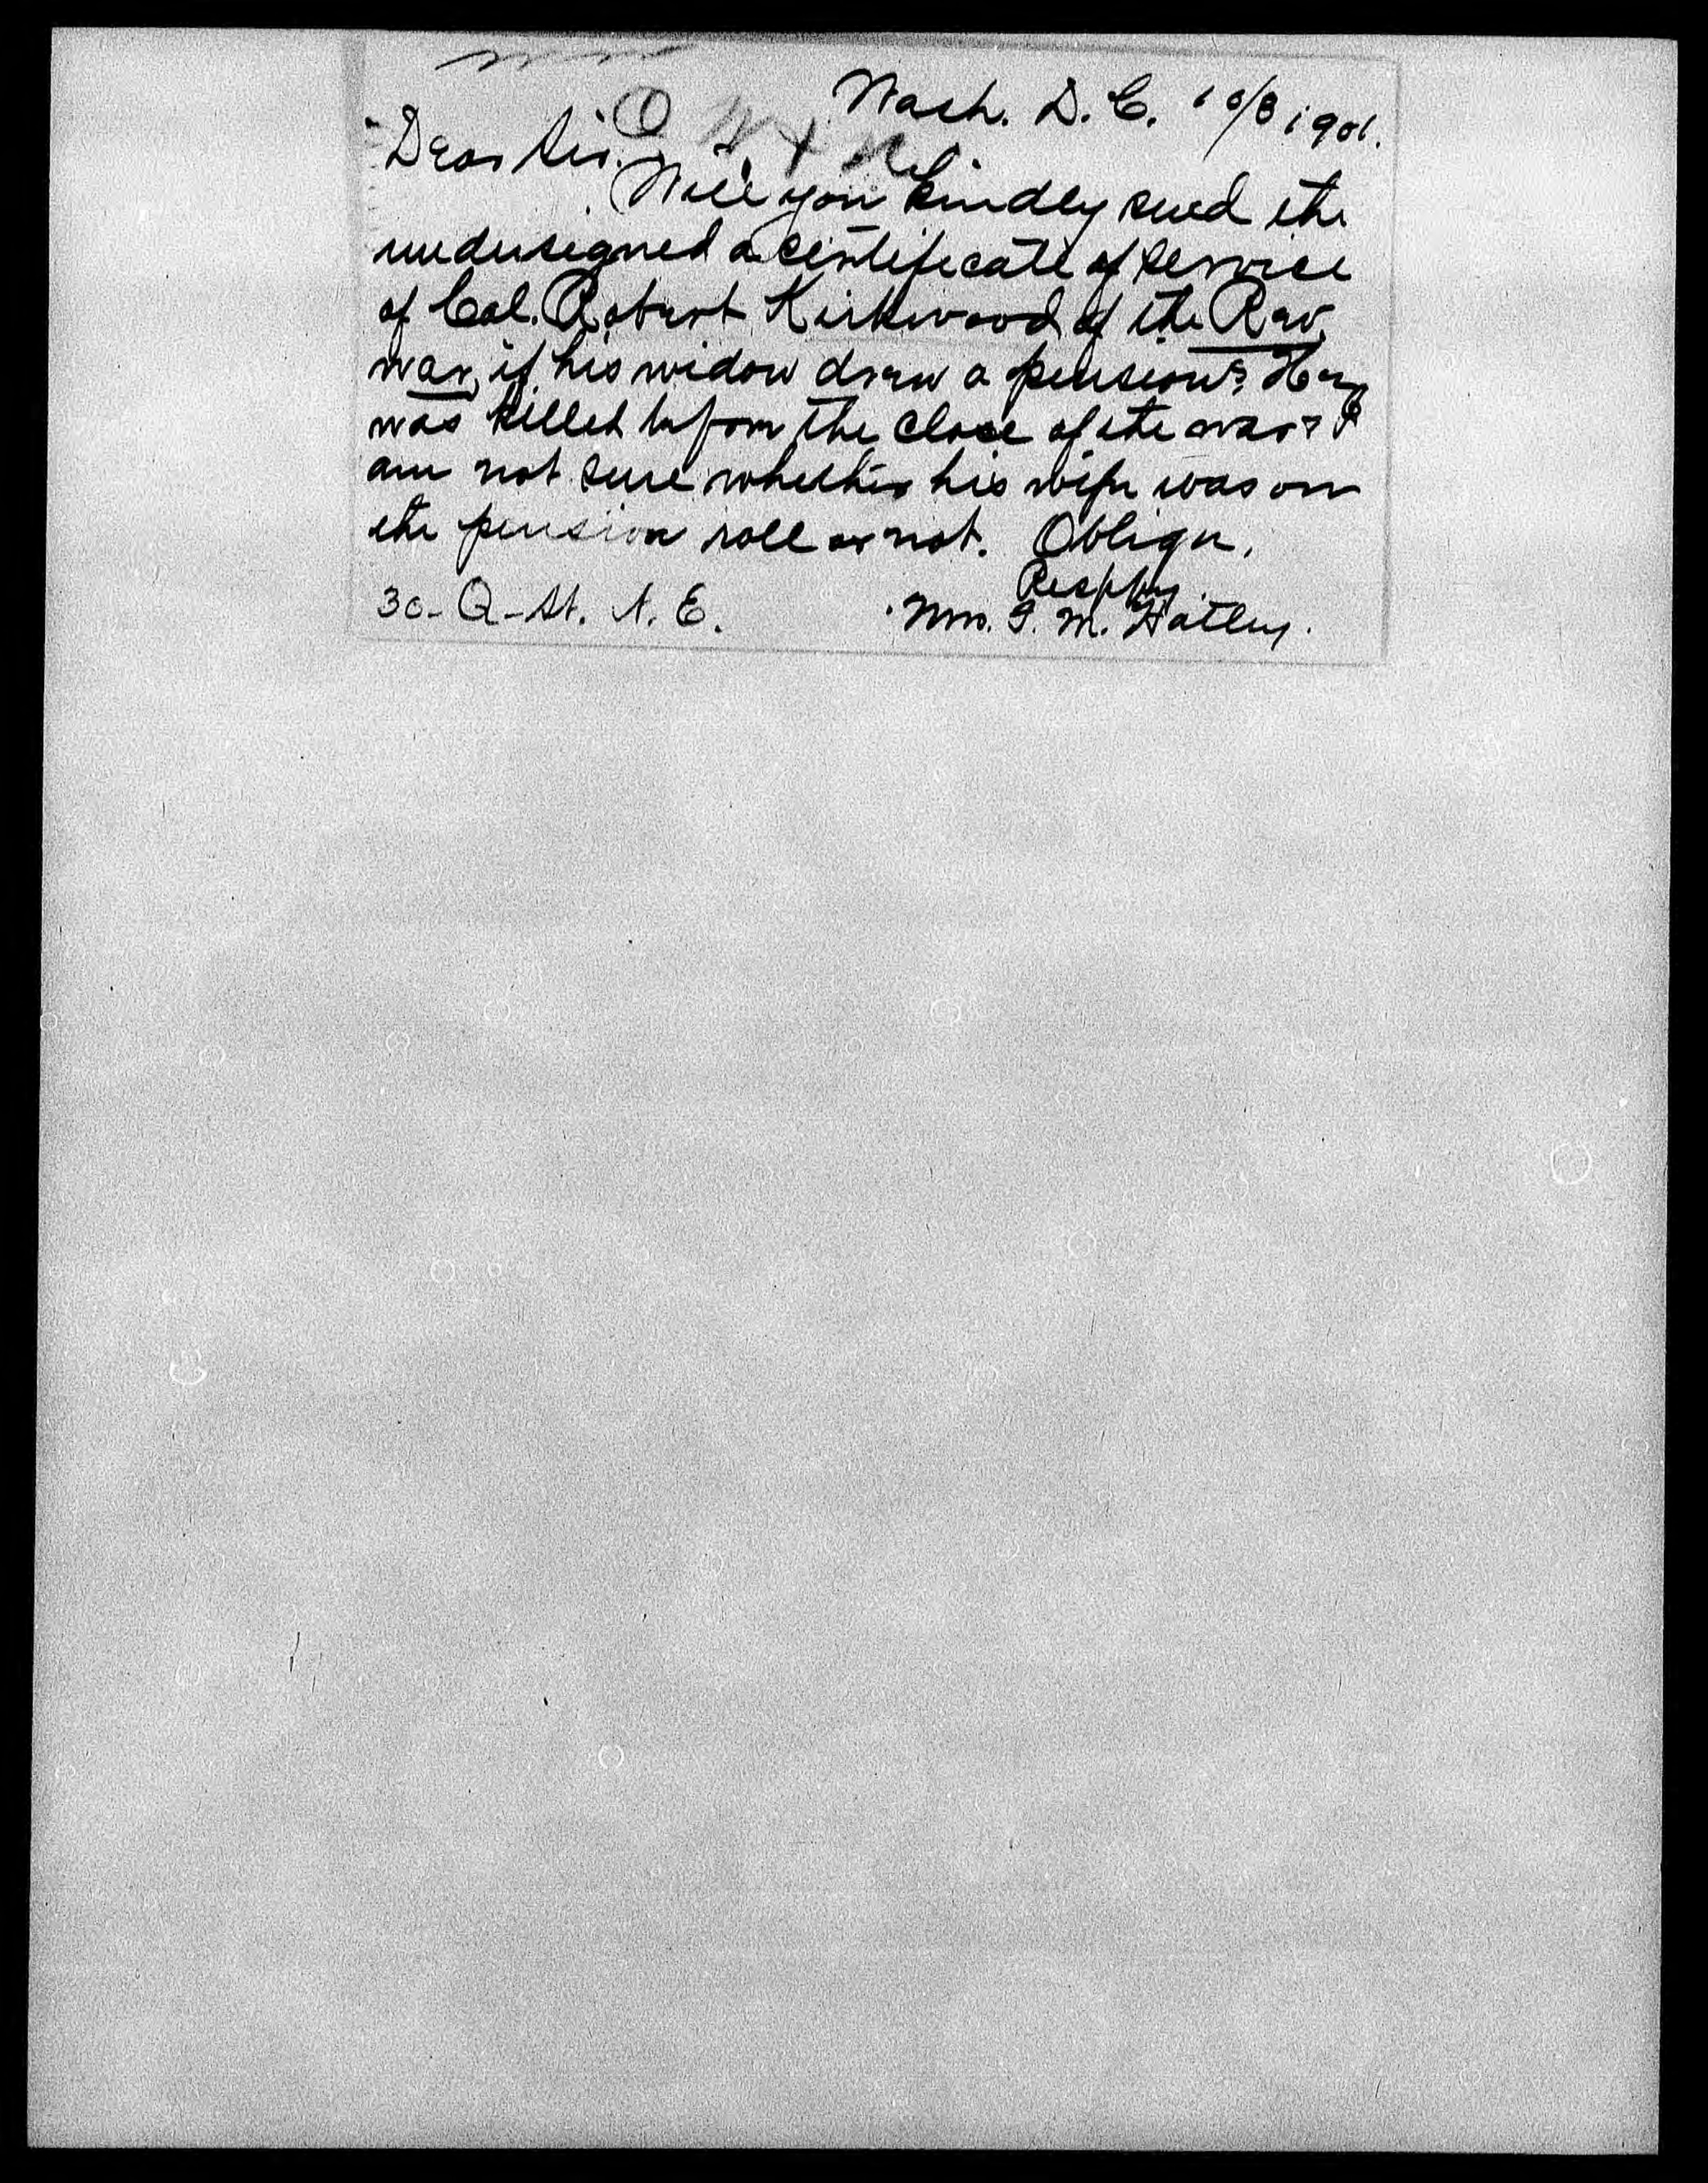Wash. D. C. 10/8 [illegible]
Dear Sir:
Will you kindly send the
undersigned a certificate of service
of Col. Robert Kirkwood of the Rev
War, if his widow drew a pension? He
was killed before the close of the war &
am not sure whether his wife was on
the pension roll or not.
Oblige
Respty [respectfully]
Mrs. J M. Hatley
30-Q-St. A. E.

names: Robert Kirkwood; J M Hatley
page: 9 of 20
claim: bounty land warrant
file: B. L. Wt. 1102-300, for Robert Kirkwood, Delaware